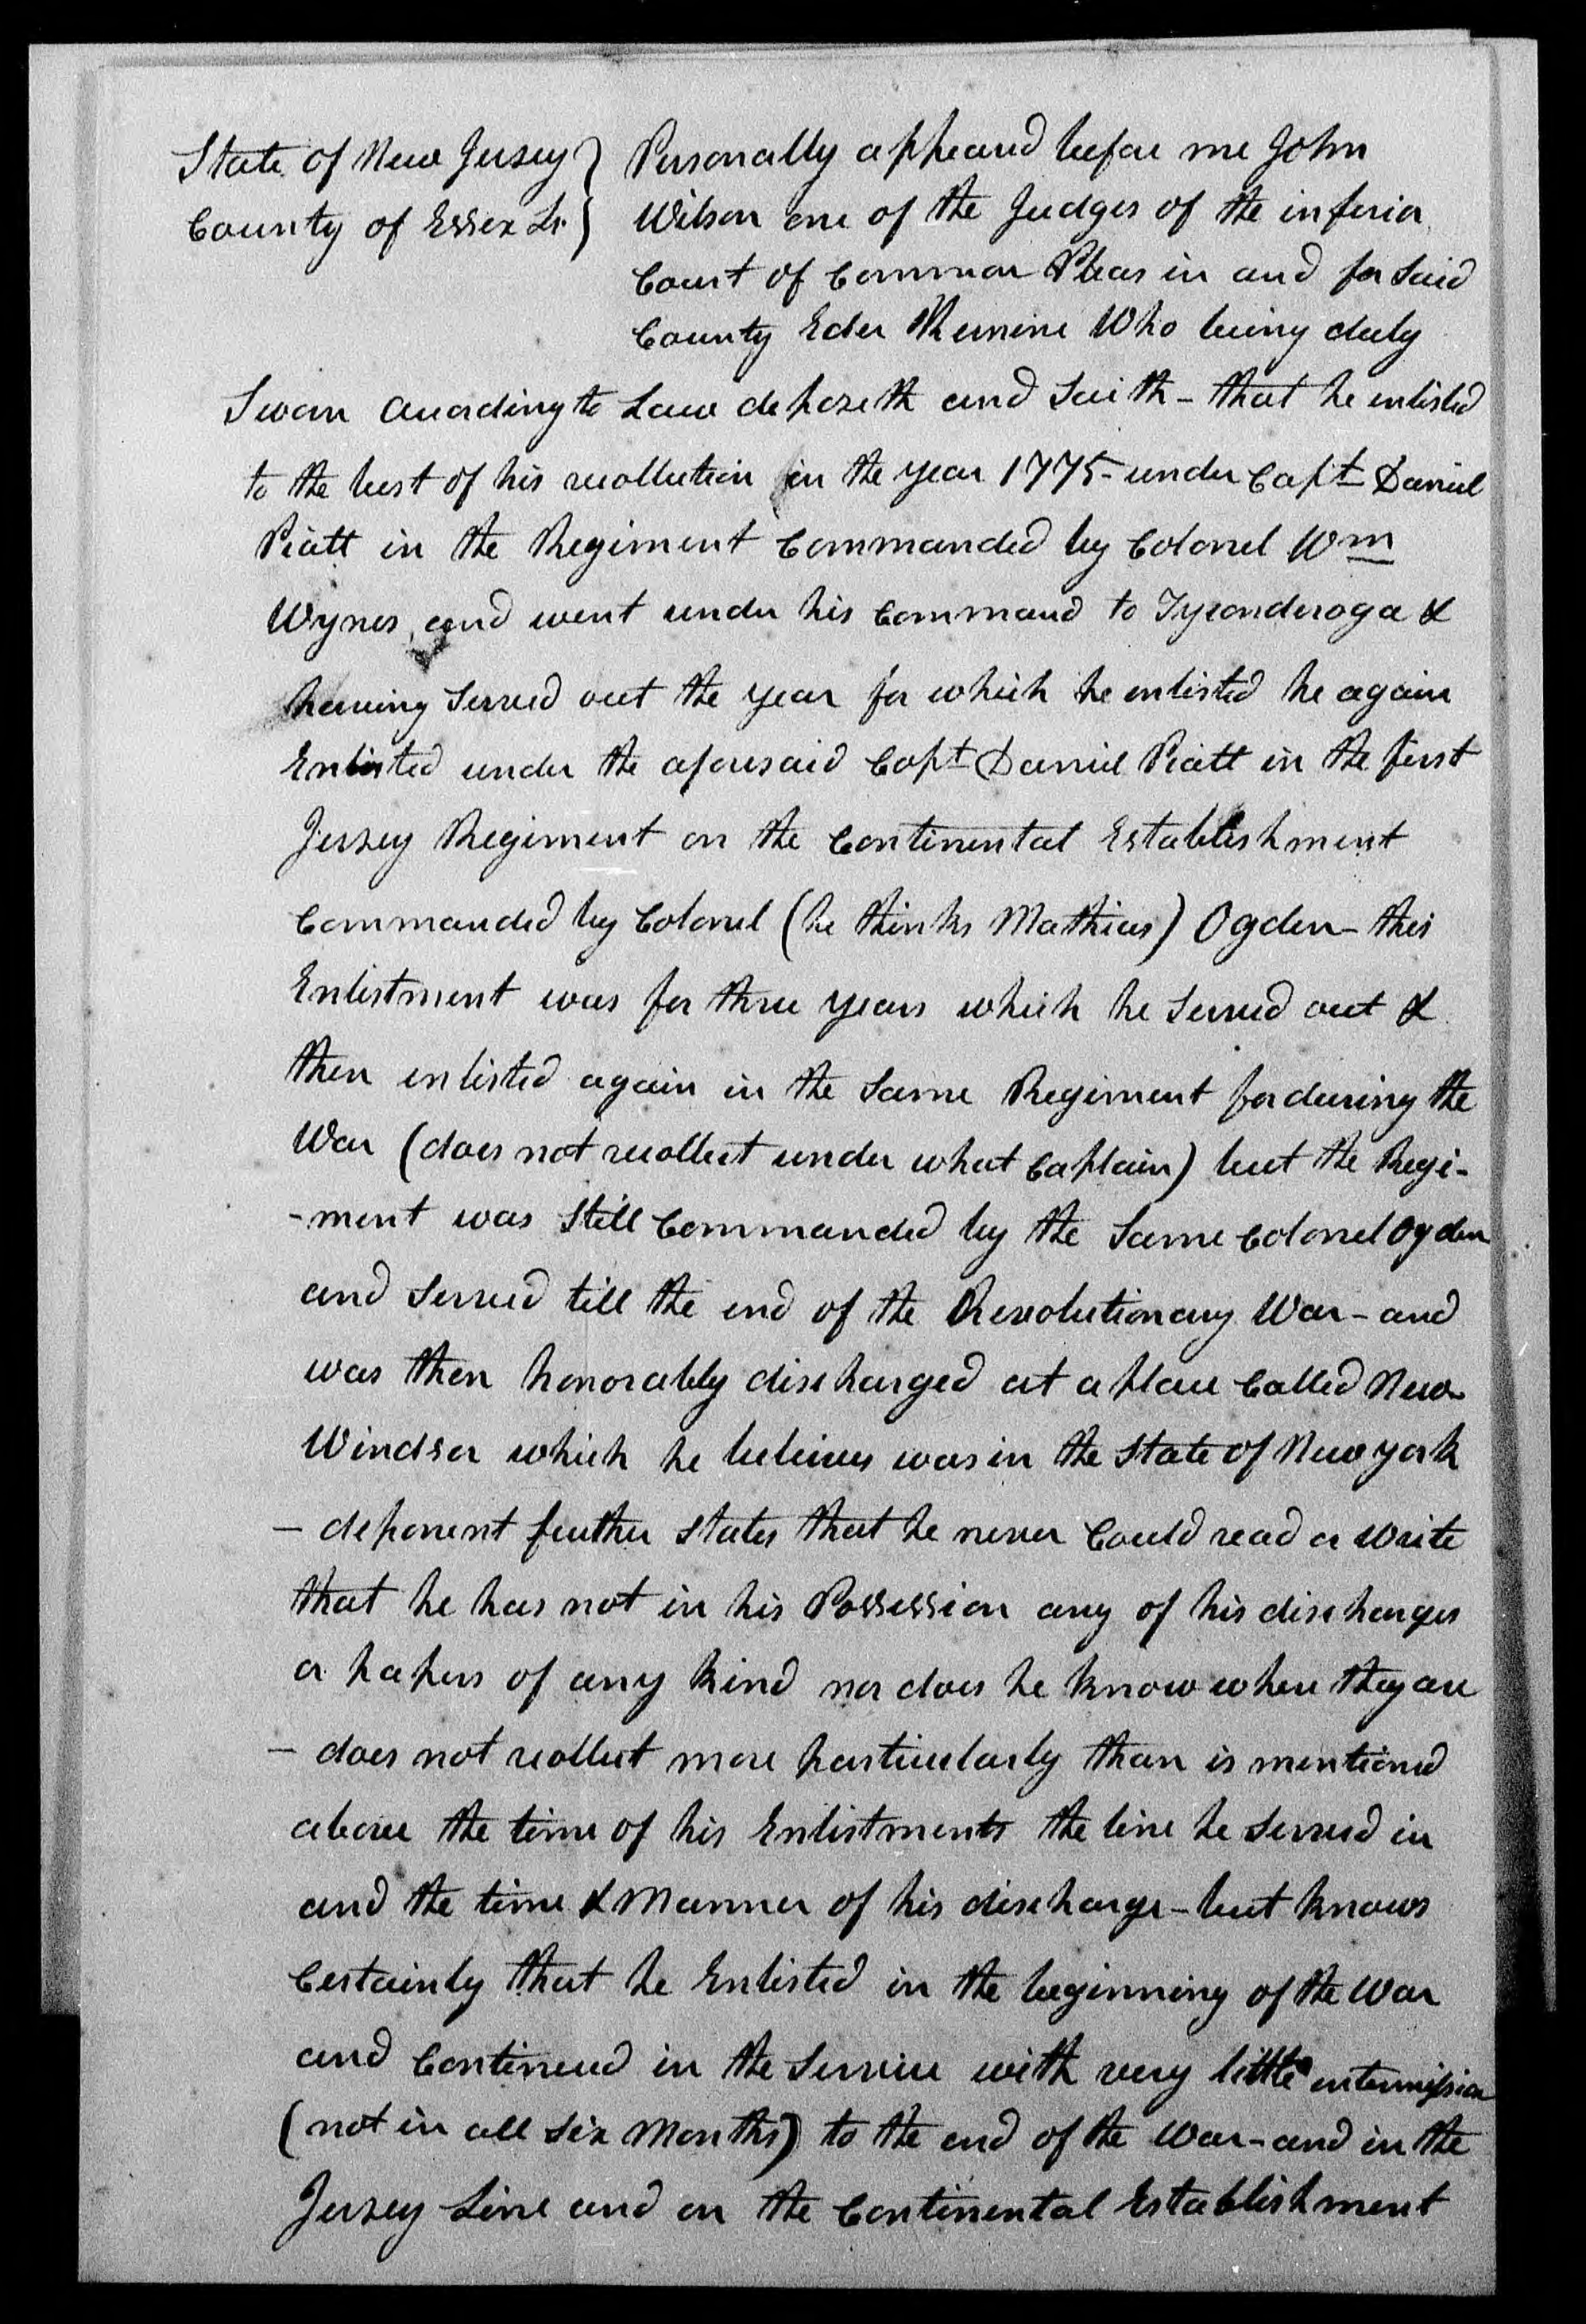State of New Jersey
County of Essex
Personally appeared before me John
Wilson one of the Judges of the inferior
Court of Common Pleas in and for said
County Eder Kernine who being duly
Sworn according to Law deposeth and saith that he enlisted
to the best of his recollection in the year 1775, under Capt Daniel
Piatt in the Regiment commanded by Colonel Wm
Wynes and went under his command to Tyconderoga &
having served out the year for which he enlisted he again
Enlisted under the aforesaid Capt Daniel Pratt in the first
Jersey Regiment on the continental Establishment
commanded by Colonel (he thinks Mathias) Ogden this
Enlistment was for three years which he served out &
then enlisted again in the same Regiment for during the
War (does not recollect under what Captain, but the Regiment
was still commanded by the same Colonel Ogden
and served till the end of the Revolutionary War and
was then honorably discharged at a place called New
Windsor which he believes was in the State of New York
deponent further states that he never could read a write
that he has not in his possession any of his discharges
or papers of any kind nor does he know where they are
does not recollect more particularly than is mentioned
above the time of his enlistments the line he served in
and the time & manner of his discharge but knows
certainly that he enlisted in the beginning of the war
and continued in the service with very little intermission ┃
(not in all six months) to the end of the War and in the ┃
Jersey Line and in the Continental Establishment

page: 7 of 15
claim: survivor's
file: S. 33351, for Eder Kernine, New Jersey